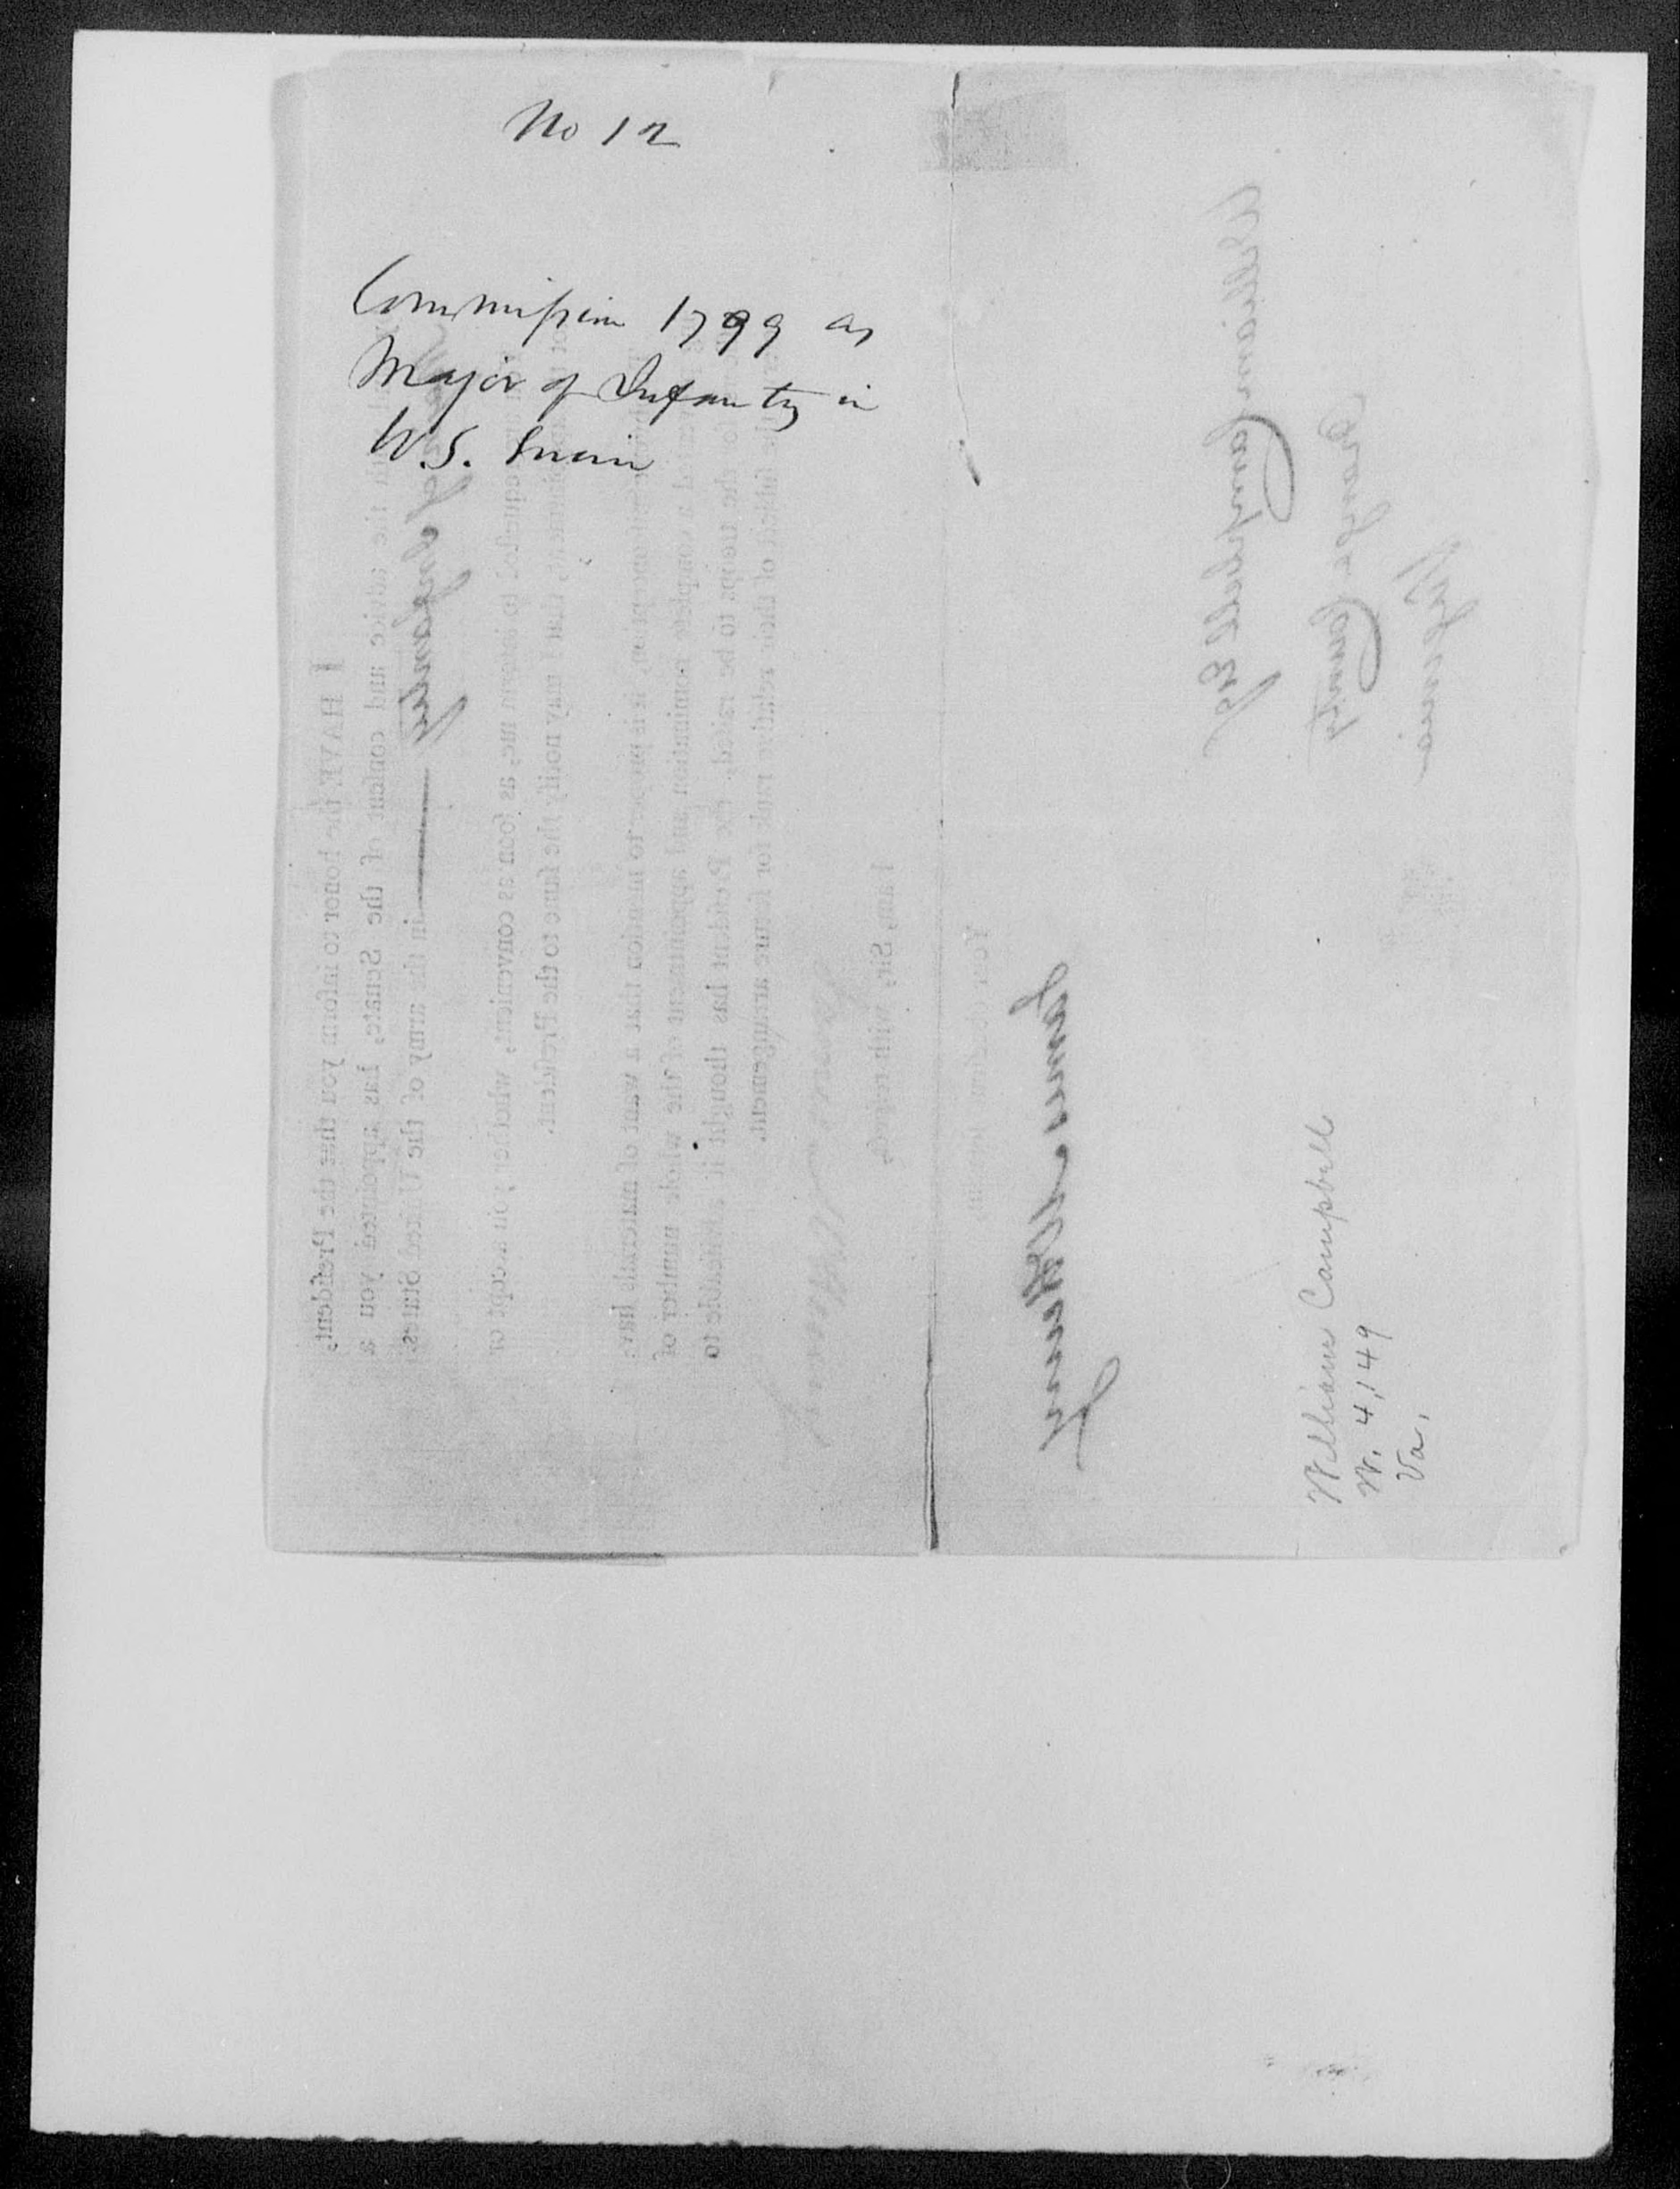No 12

Commission 1799 as Major of Infantry in V. S. Service


[following is written from bottom to top in lower right side of document]
William Campbell
W. 4,149
Va.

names: William Campbell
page: 66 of 267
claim: widow's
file: W. 4,149, William Campbell, Va.